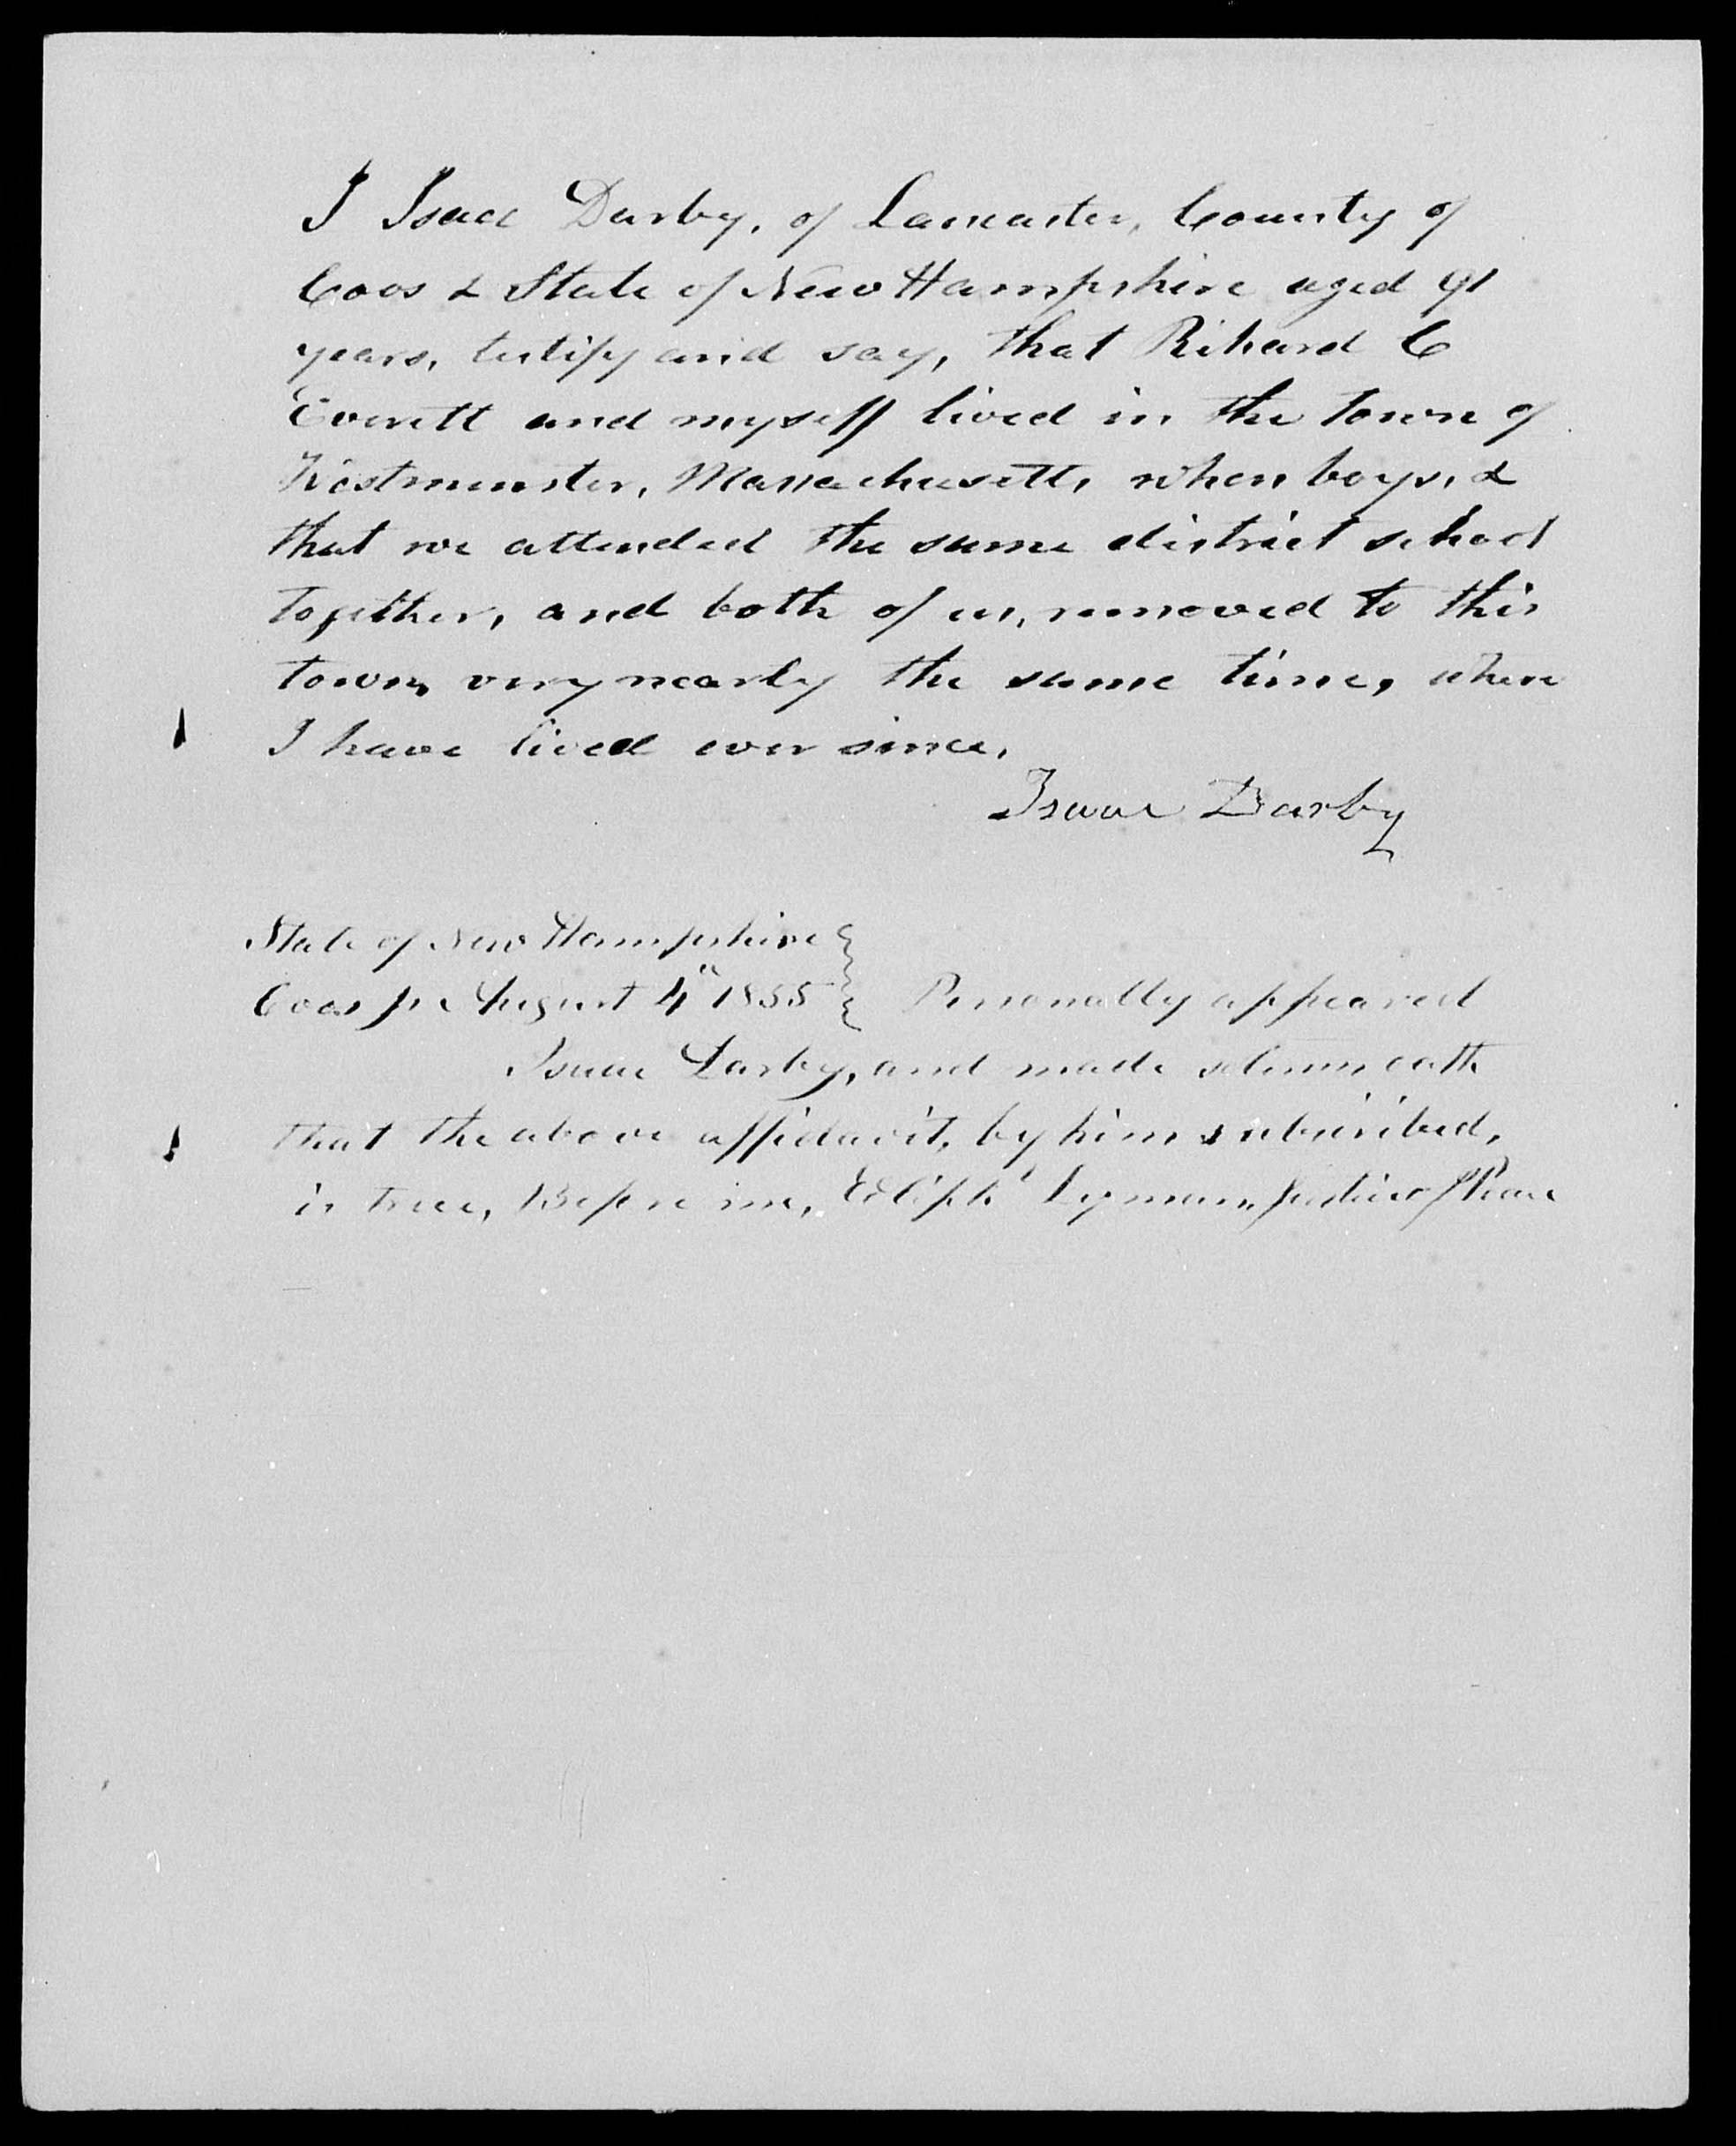I Isaac Darby of Lancaster, County of Coos & State of New Hampshire aged 91 years, testify and say, that Richard C Everett and myself lived in the town of Westminster, Massachusetts when boys, & that we attended the same district school together, and both of us removed to this town very nearly the same time, where I have lived ever since, 
Isaac Darby (signature) 

State of New Hampshire 
Coos pr August 4th 1855}
Personally appeared Isaac Darby, and made solemn oath that the above affidavit by him subscribed, is true,  Before me,  Eliph Lyman Justice Peace (signature)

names: Eliph Lyman, Isaac Darby, Isaac Darby, Richard C Everett, Isace Darby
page: 53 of 59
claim: widow's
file: W. 23017, Richard Clair Everett, Mass.